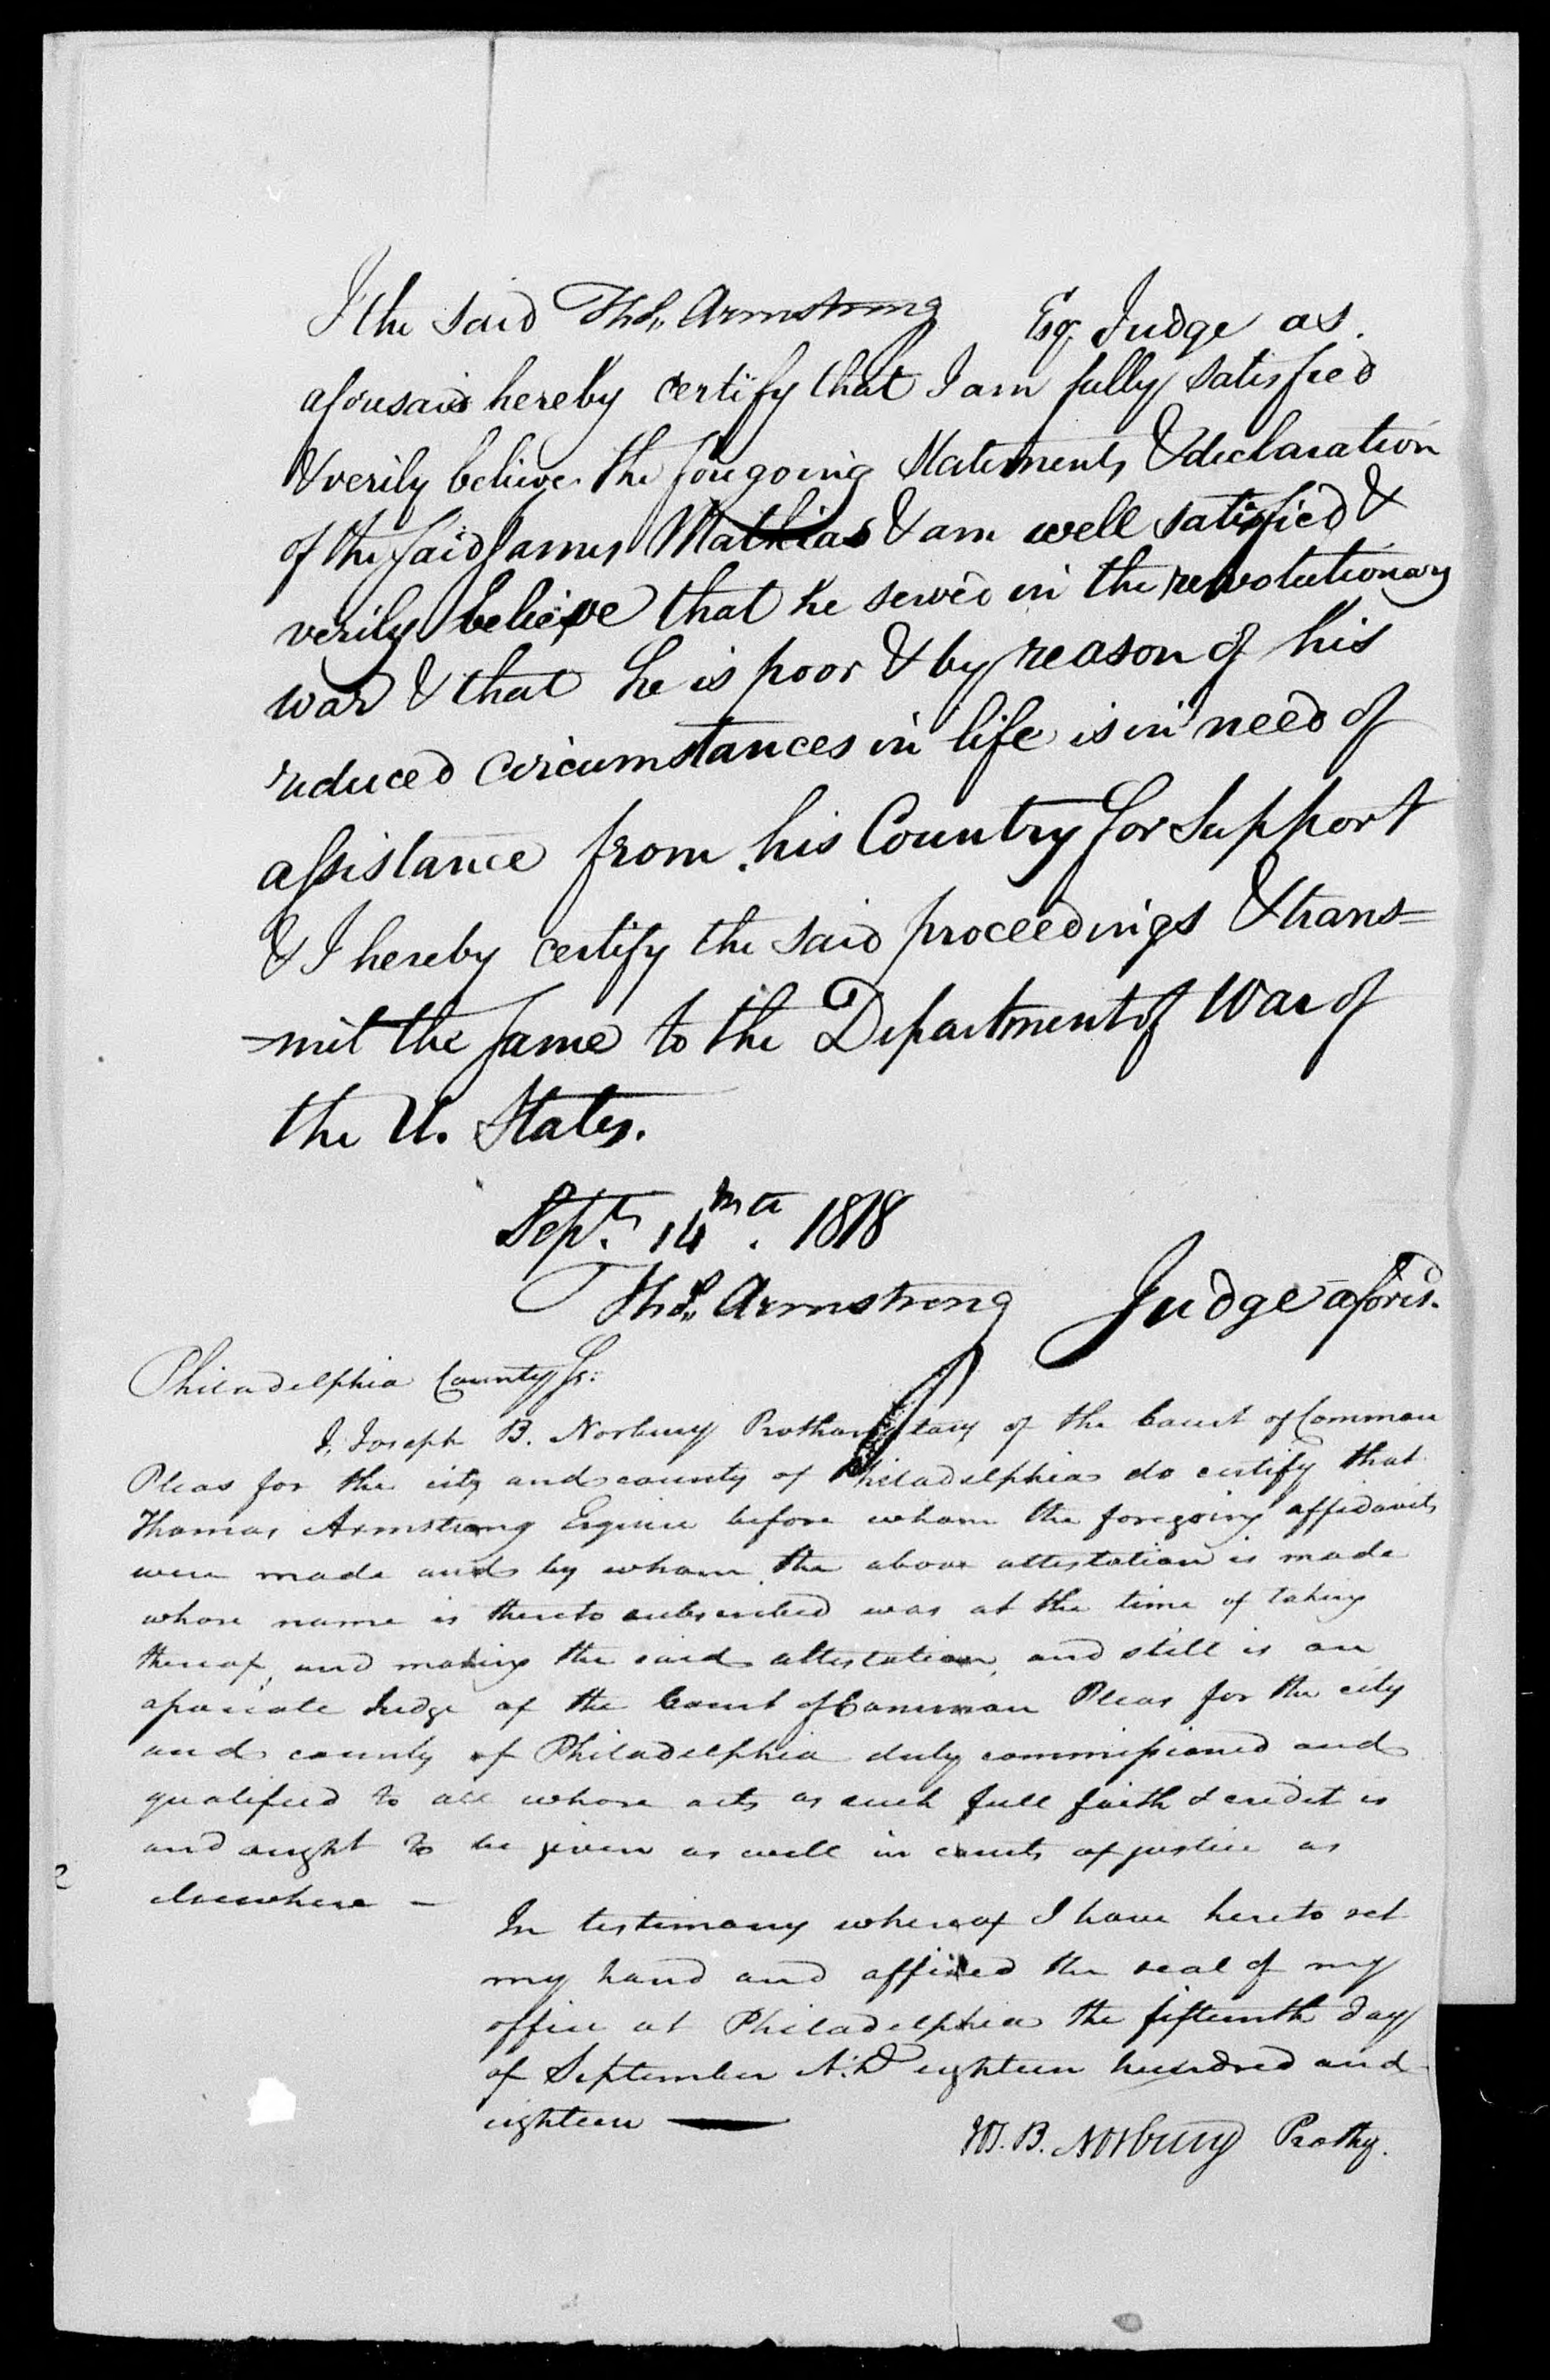I the said Thos Armstrong Esq. Judge as
aforesaid hereby certify that I am fully satisfied
& verily believe the foregoing statement & declaration of the said James Mathias & am well satisfied & verily believe that he served in the revolutionary war & that he is poor & by reason of his reduced circumstances in life is in need of assistance from his Country for Support & I hereby certify the said proceedings transmit the same to the Department of War of the U. States.

Sept 14th 1818

Thos Armstrong... Judge aforesaid

Philadelphia County
I Joseph B. Norbury Prothonotary of the Court of Common Pleas for the City and County of Philadelphia do certify that Thomas Armstrong Esquire before whom the foregoing affidavits
were made and by whom the above attestation is made whose name is thereto subscribed was at the time of taking thereof, and making the said attestation, and still is an
associate Judge of the Court of Common Pleas for the city and County of Philadelphia duly commissioned and qualified to all whose acts as such full faith & credit is and ought to be given as well in courts of justice as elsewhere

In testimony whereof I have hereto set
my hand and affixed the seal of my
office at Philadelphia the fifteenth day
of September A.D. eighteen hundred and
eighteen
J. B. Norbury Prothy.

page: 6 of 20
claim: survivor's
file: S. 40,119, for James Mathias, Maryland